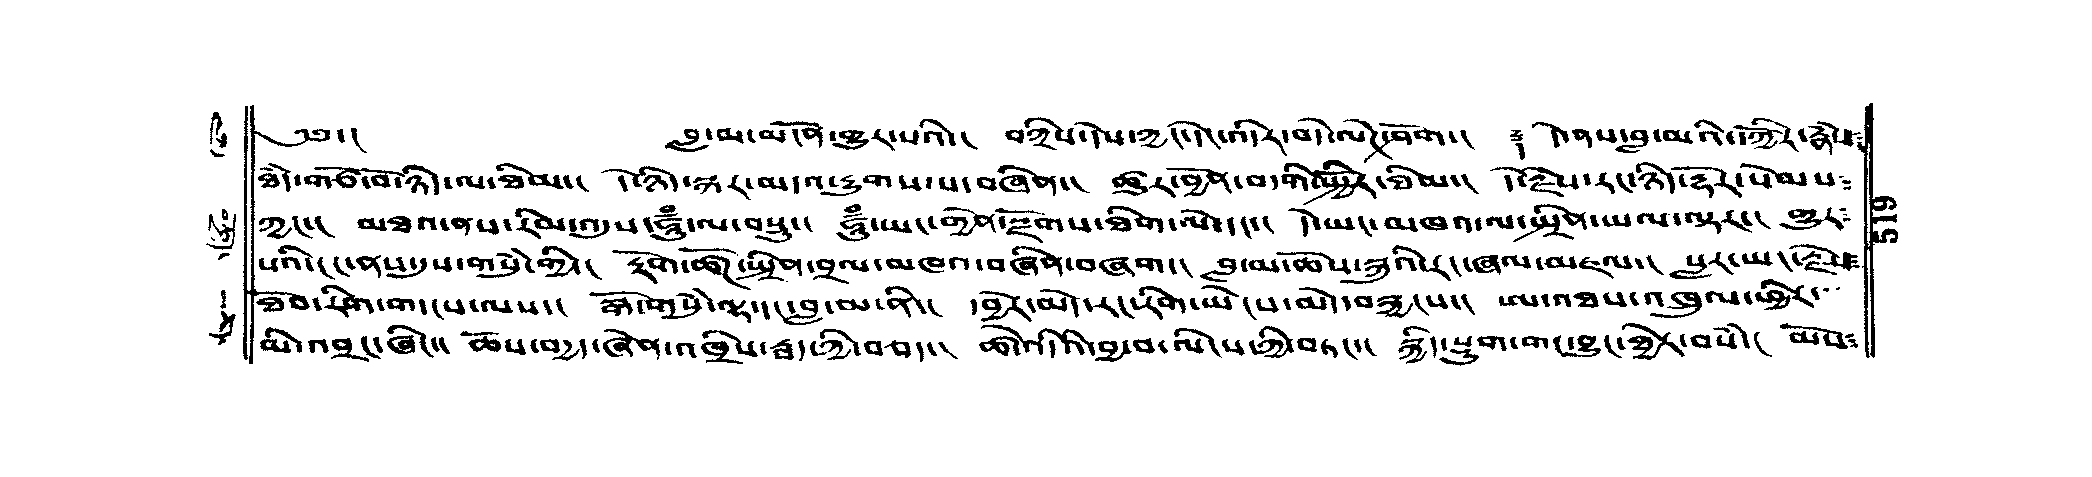བླ་མ་མངོན་གྱུར་པའི། །བཀྲ་ཤིས་དེས་ཀྱང་དེང་འདིར་བདེ་ལེགས་ཤོག་། ༈ དེ་ནས་བླ་མའི་དཀྱིལ་འཁོར་རྣམས་
ཐམས་ཅད་གཙོ་བོ་ཉིད་ལ་ཐིམ། དེ་ཉིད་སྐར་མདའ་རྒྱུགས་པ་བཞིན། །ཚུར་བྱོན་བདག་གི་སྤྱི་བོར་ཐིམ། །དེ་རྗེས་རང་ཉིད་རྡོར་སེམས་
ཀྱང་། །མཐའ་ནས་རིམ་འདུས་ཧཱུྂ་ལ་བསྡུ། །ཧཱུྂ་ཡང་གྱེན་རྫོགས་ཐིག་ལེ་དང་། །དེ་ཡང་མཁའ་ལ་སྤྲིན་ཡལ་ལྟར། །གྱུར་
པའི་ངང་ནས་དུས་གསུམ་གྱི། །རྟོག་ཚོགས་སྤྲིན་བྲལ་མཁའ་བཞིན་བཞག་།བླ་མ་ཆོས་སྐུའི་རང་ཞལ་མཇལ། །སླར་ཡང་རྗེས་
ཐོབ་རིག་གདངས་ལས། །སྒོ་གསུམ་ལྷ་དང་བླ་མ་ནི། །དབྱེར་མེད་རང་རིག་ཡེངས་མེད་བསྐྱངས། །ཨ་འཐས་འཁྲུལ་ཕྱིར་
མིའབྲང་ཞིང་། །ཆོས་བརྒྱད་ཞེན་འཁྲིས་རྦད་ཀྱི་བཅད། ། ཚེ་འདིའི་བྱ་བ་ལིངས་ཀྱི་བཏང་། །སྐྱིད་སྡུག་གང་བྱུང་ཐུགས་རྗེར་བསམ། །མོས་